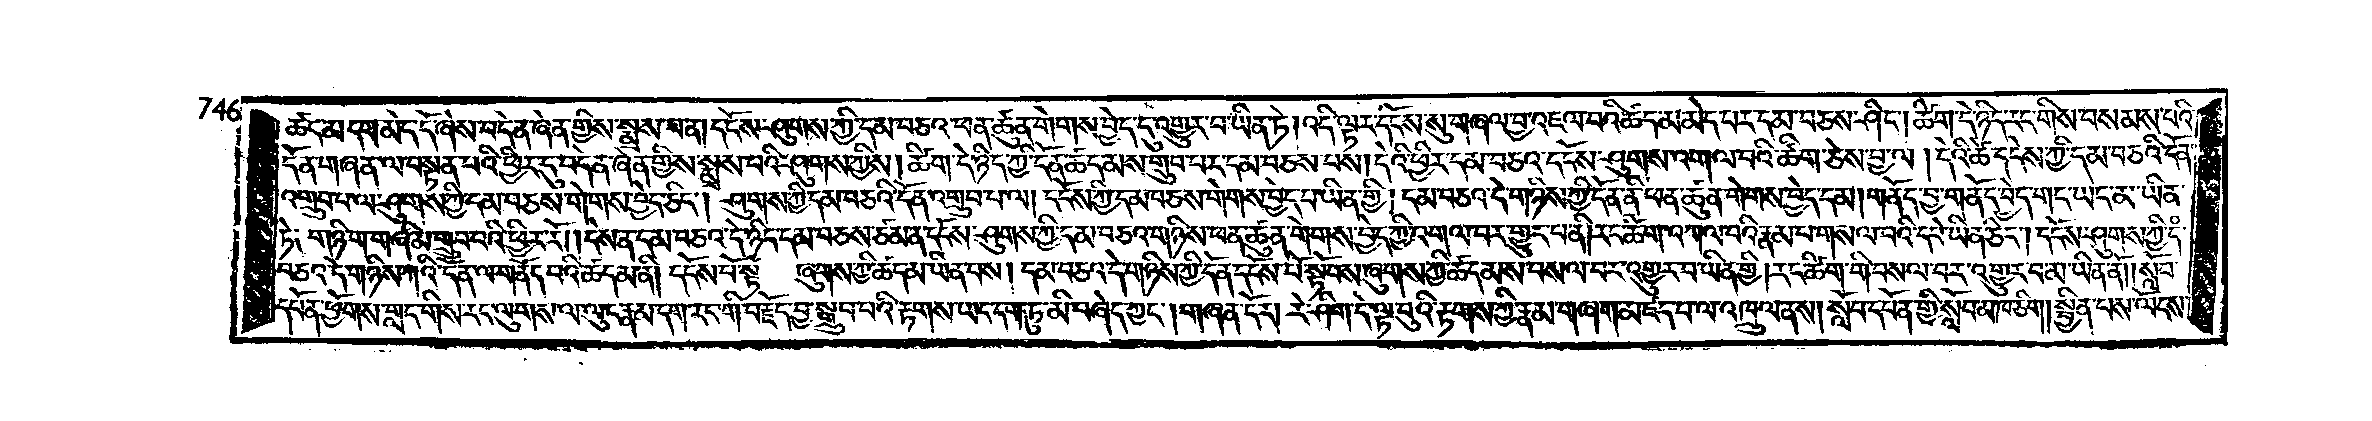ཚད་མ་དག་མེད་དོ་ཞེས་བདེན་ཞེན་གྱིས་སྨྲས་པ་ན། དངོས་ཤུགས་ཀྱི་དམ་བཅའ་ཕན་ཚུན་གེགས་བྱེད་དུ་འགྱུར་བ་ཡིན་ཏེ། འདི་ལྟར་དངོས་སུ་གཞལ་བྱ་འཇལ་བའི་ཚད་མ་མེད་པར་དམ་བཅས་ཤིང་། ཚིག་དེ་ཉིད་རང་གིས་བསམས་པའི་
དོན་གཞན་ལ་བསྟན་པའི་ཕྱིར་དུ་བདེན་ཞེན་གྱིས་སྨྲས་པའི་ཤུགས་ཀྱིས། ཚིག་དེ་ཉིད་ཀྱི་དོན་ཚད་མས་གྲུབ་པར་དམ་བཅས་པས། དེའི་ཕྱིར་དམ་བཅའ་དངོས་ཤུགས་འགལ་བའི་ཚིག་ཅེས་བྱ་ལ། དེའི་ཚེ་དངོས་ཀྱི་དམ་བཅའི་དོན་
འགྲུབ་པ་ལ་ཤུགས་ཀྱི་དམ་བཅས་གེགས་བྱེད་ཅིང་། ཤུགས་ཀྱི་དམ་བཅའི་དོན་འགྲུབ་པ་ལ། དངོས་ཀྱི་དམ་བཅས་གེགས་བྱེད་པ་ཡིན་གྱི། དམ་བཅའ་དེ་གཉིས་ཀྱི་དོན་ནི་ཕན་ཚུན་གེགས་བྱེད་དམ། གནོད་བྱ་གནོད་བྱེད་ཡང་མ་ཡིན་
ཏེ། གཉི་ག་གཞི་མ་གྲུབ་པའི་ཕྱིར་རོ། །དེས་ན་དམ་བཅའ་དེ་ཉིད་དམ་བཅས་ཙམ་ན་དངོས་ཤུགས་ཀྱི་དམ་བཅའ་གཉིས་ཕན་ཚུན་གེགས་བྱེད་ཀྱི་འགལ་བར་གྱུར་བ་ནི། རང་ཚིག་འགལ་བའི་རྣམ་པ་གསལ་བའི་དཔེ་ཡིན་ཅིང་། དངོས་ཤུགས་ཀྱི་དམ་
བཅའ་དེ་གཉིས་ཀའི་དོན་ལ་གནོད་པའི་ཚད་མ་ནི། དངོས་པོ་སྟོབས་ཤུགས་ཀྱི་ཚད་མ་ཡིན་པས། དམ་བཅའ་དེ་གཉིས་ཀྱི་དོན་དངོས་པོ་སྟོབས་ཞུགས་ཀྱི་ཚད་མས་བསལ་བར་འགྱུར་བ་ཡིན་གྱི། རང་ཚིག་གི་བསལ་བར་འགྱུར་བ་མ་ཡིན་ནོ། །སློབ་
དཔོན་ཕྱོགས་གླང་གིས་རང་ལུགས་ལ་ལུང་རྣམ་དག་རང་གི་བརྗོད་བྱ་སྒྲུབ་པའི་རྟགས་ཡང་དག་ཏུ་མི་བཞེད་ཀྱང་། གཞན་དོར། རེ་ཤིག་དེ་ལྟ་བུའི་རྟགས་ཀྱི་རྣམ་གཞག་མཛད་པ་ལ་འཁྲུལ་ནས། སློབ་དཔོན་གྱི་སློབ་མ་ཁ་ཅིག། སྦྱིན་པས་ལོངས་